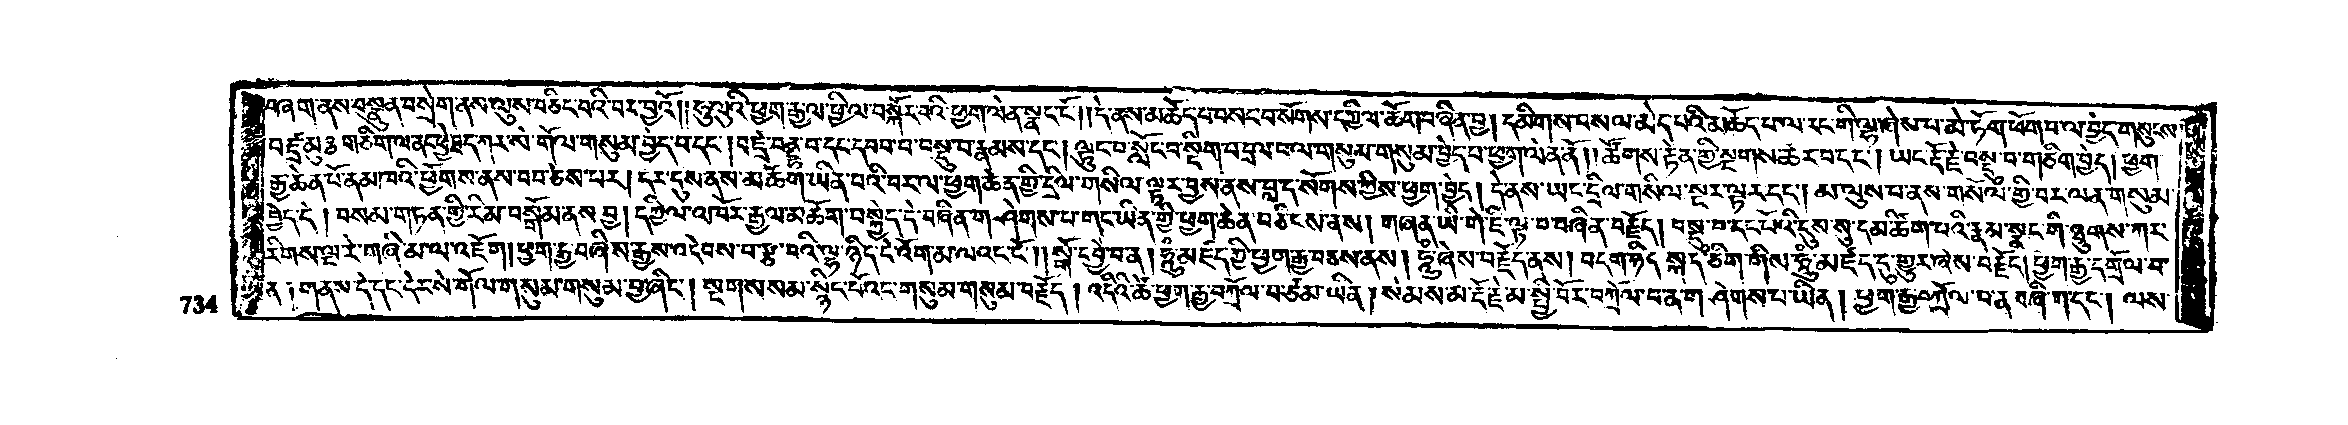བཞག་ནས་བསྣུན་བསྲེག་ནས་ལུས་བཅིང་བའི་བར་བྱའོ། །ཧུ་ལུའི་ཕྱག་རྒྱ་ལ་ཕྱི་ལ་བསྐོར་བའི་ཕྱག་ལེན་སྣང་ངོ། །དེ་ནས་མཆོད་པ་བསང་བ་སོགས་དཀྱིལ་ཆོག་བཞིན་བྱ། དམིགས་བསལ་མེད་པའི་མཆོད་པ་ལ་རང་གི་ལྷ་ཞེས་པ་མེ་ཏོག་ཕོག་པ་ལ་བྱེད་གསུངས་
བཛྲ་མུཿ གཅིག་ལ་ནང་ཕྱེ་ཐད་ཀར་སེ་གོལ་གསུམ་བྱེད་པ་དང་། བཛྲ་བནྡྷ་བ་དང་དབབ་པ་བསྡུ་བ་རྣམས་དང་། ལྟུང་བ་སློང་བ་སྡིག་པ་དྲལ་བ་ལ་གསུམ་གསུམ་བྱེད་པ་ཕྱག་ལེན་ནོ། །ཚོགས་རྟེན་གྱི་སྔགས་ཚར་བ་དང་། ཡང་རྡོ་རྗེ་བསྡུ་བ་གཅིག་བྱེད། ཕྱག་
རྒྱ་ཆེན་པོ་ནམ་མཁའི་ཕྱོགས་ནས་བབ་ཅེས་པར། དེར་དུས་ནས་མཆོག་ཡིན་པའི་བར་ལ་ཕྱག་ཆེན་གྱི་དྲིལ་གསིལ་ལྟར་བྱས་ནས་བླ་ད་སོགས་ཀྱིས་ཕྱག་བྱེད། དེ་ནས་ཡང་དྲིལ་གསིལ་སྔར་ལྟར་དང་། མ་ལུས་པ་ནས་གསོལ་གྱི་བར་ལན་གསུམ་
བྱེད་དེ། བསམ་གཏན་གྱི་རིམ་བསྒོམ་ནས་བྱ། དཀྱིལ་འཁོར་རྒྱལ་མཆོག་བསྐྱེད་དེ་བཞིན་གཤེགས་པ་གང་ཡིན་གྱི་ཕྱག་ཆེན་བཅིངས་ནས། གཞན་ཡི་གེ་ཇི་ལྟ་བ་བཞིན་བརྗོད། བསྡུ་བ་དང་པོའི་དུས་སུ་དམ་ཚིག་པའི་རྣམ་སྣང་གི་ཐུགས་ཀར་
རིགས་ལྔ་རེ་གཞི་མ་ལ་འཇོག །ཕྱག་རྒྱ་བཞིས་རྒྱས་འདེབས་པ་རྩ་བའི་ལྷ་ཉིད་དེ་འོག་མ་ལའང་ངོ། །སྒོ་དབྱེ་བ་ན། ཧཱུཾ་མཛད་ཀྱི་ཕྱག་རྒྱ་བཅས་ནས། ཧཱུཾ་ཞེས་བརྗོད་ནས། བདག་ཉིད་སྐད་ཅིག་གིས་ཧཱུཾ་མཛད་དུ་གྱུར་ཞེས་བརྗོད། ཕྱག་རྒྱ་དགྲོལ་བ་
ན། གནས་དེ་དང་དེར་སེ་གོལ་གསུམ་གསུམ་བྱ་ཞིང་། སྔགས་སམ་སྙིང་པོའང་གསུམ་གསུམ་བརྗོད། འདིའི་ཚེ་ཕྱག་རྒྱ་བཀྲོལ་པ་ཙམ་ཡིན། སེམས་མ་རྡོ་རྗེ་མ་སྤྱི་བོར་བཀྲོལ་བ་ན་གཤེགས་པ་ཡིན། ཕྱག་རྒྱ་བཀྲོལ་བ་ན་བཞི་ག་དང་། ལས་